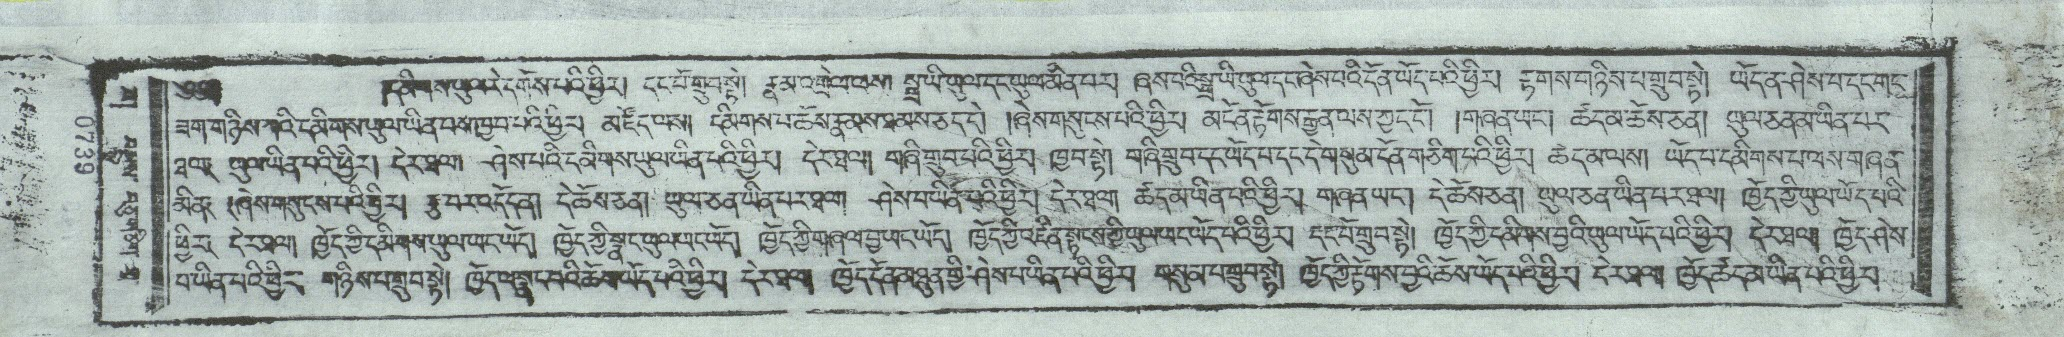༄༅། །དམིགས་ཡུལ་རེ་དགོས་པའི་ཕྱིར། དང་པོ་གྲུབ་སྟེ། རྣམ་འགྲེལ་ལས། སྒྲ་ཡི་ཡུལ་དང་ཡུལ་མིན་པར། ཞེས་པའི་སྒྲ་ཡི་ཡུལ་དང་ཞེས་པའི་དོན་ཡོད་པའི་ཕྱིར། རྟགས་གཉིས་པ་གྲུབ་སྟེ། ཡོད་ན་ཤེས་པ་དང་གང་
ཟག་གཉིས་ཀའི་དམིགས་ཡུལ་ཡིན་པས་ཁྱབ་པའི་ཕྱིར། མཛོད་ལས། དམིགས་པ་ཆོས་རྣམས་ཐམས་ཅད་དེ། །ཞེས་གསུངས་པའི་ཕྱིར། མངོན་རྟོགས་རྒྱན་ལས་ཀྱང་ངོ། །གཞན་ཡང་། ཚད་མ་ཆོས་ཅན། ཡུལ་ཅན་མ་ཡིན་པར་
ཐལ༑ ཡུལ་ཡིན་པའི་ཕྱིར། དེར་ཐལ། ཤེས་པའི་དམིགས་ཡུལ་ཡིན་པའི་ཕྱིར། དེར་ཐལ། གཞི་གྲུབ་པའི་ཕྱིར། ཁྱབ་སྟེ། གཞི་གྲུབ་དང་ཡོད་པ་དང་དེ་གསུམ་དོན་གཅིག་པའི་ཕྱིར། ཚད་མ་ལས། ཡོད་པ་དམིགས་པ་ལས་གཞན་
མིན༑ ༑ཞེས་གསུངས་པའི་ཕྱིར། རྩ་བར་འདོད་ན། དེ་ཆོས་ཅན། ཡུལ་ཅན་ཡིན་པར་ཐལ། ཤེས་པ་ཡིན་པའི་ཕྱིར། དེར་ཐལ། ཚད་མ་ཡིན་པའི་ཕྱིར། གཞན་ཡང་། དེ་ཆོས་ཅན། ཡུལ་ཅན་ཡིན་པར་ཐལ། ཁྱོད་ཀྱི་ཡུལ་ཡོད་པའི་
ཕྱིར༑ དེར་ཐལ། ཁྱོད་ཀྱི་དམིགས་ཡུལ་ཡང་ཡོད། ཁྱོད་ཀྱི་སྣང་ཡུལ་ཡང་ཡོད། ཁྱོད་ཀྱི་གཞལ་བྱ་ཡང་ཡོད། ཁྱོད་ཀྱི་འཛིན་སྟངས་ཀྱི་ཡུལ་ཡང་ཡོད་པའི་ཕྱིར། དང་པོ་གྲུབ་སྟེ། ཁྱོད་ཀྱི་དམིགས་བྱའི་ཡུལ་ཡོད་པའི་ཕྱིར། དེར་ཐལ། ཁྱོད་ཤེས་
པ་ཡིན་པའི་ཕྱིར། གཉིས་པ་གྲུབ་སྟེ། ཁྱོད་ལ་སྣང་བའི་ཆོས་ཡོད་པའི་ཕྱིར། དེར་ཐལ། ཁྱོད་དོན་མཐུན་གྱི་ཤེས་པ་ཡིན་པའི་ཕྱིར། གསུམ་པ་གྲུབ་སྟེ། ཁྱོད་ཀྱི་རྟོགས་བྱའི་ཆོས་ཡོད་པའི་ཕྱིར། དེར་ཐལ། ཁྱོད་ཚད་མ་ཡིན་པའི་ཕྱིར།